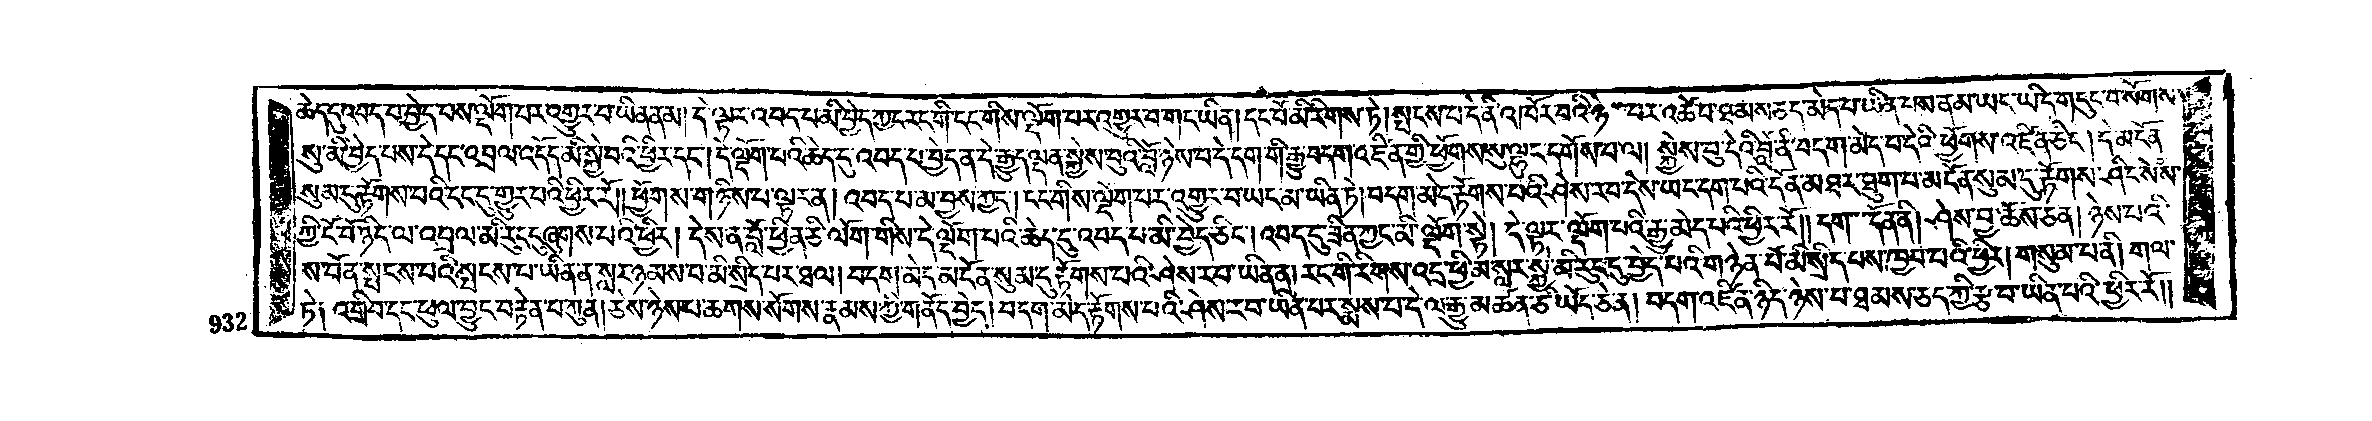ཆེད་དུ་འབད་པ་བྱེད་པས་ལྡོག་པར་འགྱུར་བ་ཡིན་ནམ། དེ་ལྟར་འབད་པ་མི་བྱེད་ཀྱང་རང་གི་ངང་གིས་ལྡོག་པར་འགྱུར་བ་གང་ཡིན། དང་པོ་མི་རིགས་ཏེ། སྤངས་པ་དེ་ནི་འཁོར་བའི་ཉེ་བར་འཚེ་བ་ཐམས་ཅད་མེད་པ་ཡིན་པས་ནམ་ཡང་ཡིད་གདུང་བ་སོགས་
སུ་མི་བྱེད་པས་དེ་དང་འབྲལ་འདོད་མི་སྐྱེ་བའི་ཕྱིར་དང་། དེ་ལྡོག་པའི་ཆེད་དུ་འབད་པ་བྱེད་ན་དེ་རྒྱུད་ལྡན་སྐྱེས་བུའི་བློ་ཉེས་པ་དེ་དག་གི་རྒྱུ་བདག་འཛིན་གྱི་ཕྱོགས་སུ་ལྷུང་དགོས་པ་ལ། སྐྱེས་བུ་དེའི་བློ་ནི་བདག་མེད་པ་དེའི་ཕྱོགས་འཛིན་ཅིང་། དེ་མངོན་
སུམ་དུ་རྟོགས་པའི་ངང་དུ་གྱུར་པའི་ཕྱིར་རོ། །ཕྱོགས་གཉིས་པ་ལྟར་ན། འབད་པ་མ་བྱས་ཀྱང་། ངང་གིས་ལྡོག་པར་འགྱུར་བ་ཡང་མ་ཡིན་ཏེ། བདག་མེད་རྟོགས་པའི་ཤེས་རབ་དེས་ཡང་དག་པའི་དོན་མཐར་ཐུག་པ་མངོན་སུམ་དུ་རྟོགས་ཤིང་སེམས་
ཀྱི་ངོ་བོ་ཉིད་ལ་འབྲལ་མི་རུང་དུ་ཞུགས་པའི་ཕྱིར། དེས་ན་བློ་ཕྱིན་ཅི་ལོག་གིས་དེ་ལྡོག་པའི་ཆེད་དུ་འབད་པ་མི་བྱེད་ཅིང་། འབད་དུ་ཟིན་ཀྱང་མི་ལྡོག་སྟེ། དེ་ལྟར་ལྡོག་པའི་རྒྱུ་མེད་པའི་ཕྱིར་རོ། །དག་དོན་ནི། ཤེས་བྱ་ཆོས་ཅན། ཉེས་པའི་
ས་བོན་སྤངས་པའི་སྤངས་པ་ཡིན་ན་སླར་ཉམས་པ་མི་སྲིད་པར་ཐལ། བདག་མེད་མངོན་སུམ་དུ་རྟོགས་པའི་ཤེས་རབ་ཡིན་ན། རང་གི་རིགས་འདྲ་ཕྱི་མ་སླར་སྐྱེ་མི་རུང་དུ་བྱེད་པའི་གཉེན་པོ་མི་སྲིད་པས་ཁྱབ་པའི་ཕྱིར། གསུམ་པ་ནི། གལ་
ཏེ། འགྲིབ་དང་ཕུལ་བྱུང་བརྟེན་པ་ཀུན། ཅེས་ཉེས་པ་ཆགས་སོགས་རྣམས་ཀྱི་གནོད་བྱེད། བདག་མེད་རྟོགས་པའི་ཤེས་རབ་ཡིན་པར་སྨྲས་པ་དེ་ལ་རྒྱུ་མཚན་ཅི་ཡོད་ཅེ་ན། བདག་འཛིན་ཉིད་ཉེས་པ་ཐམས་ཅད་ཀྱི་རྩ་བ་ཡིན་པའི་ཕྱིར་རོ། །